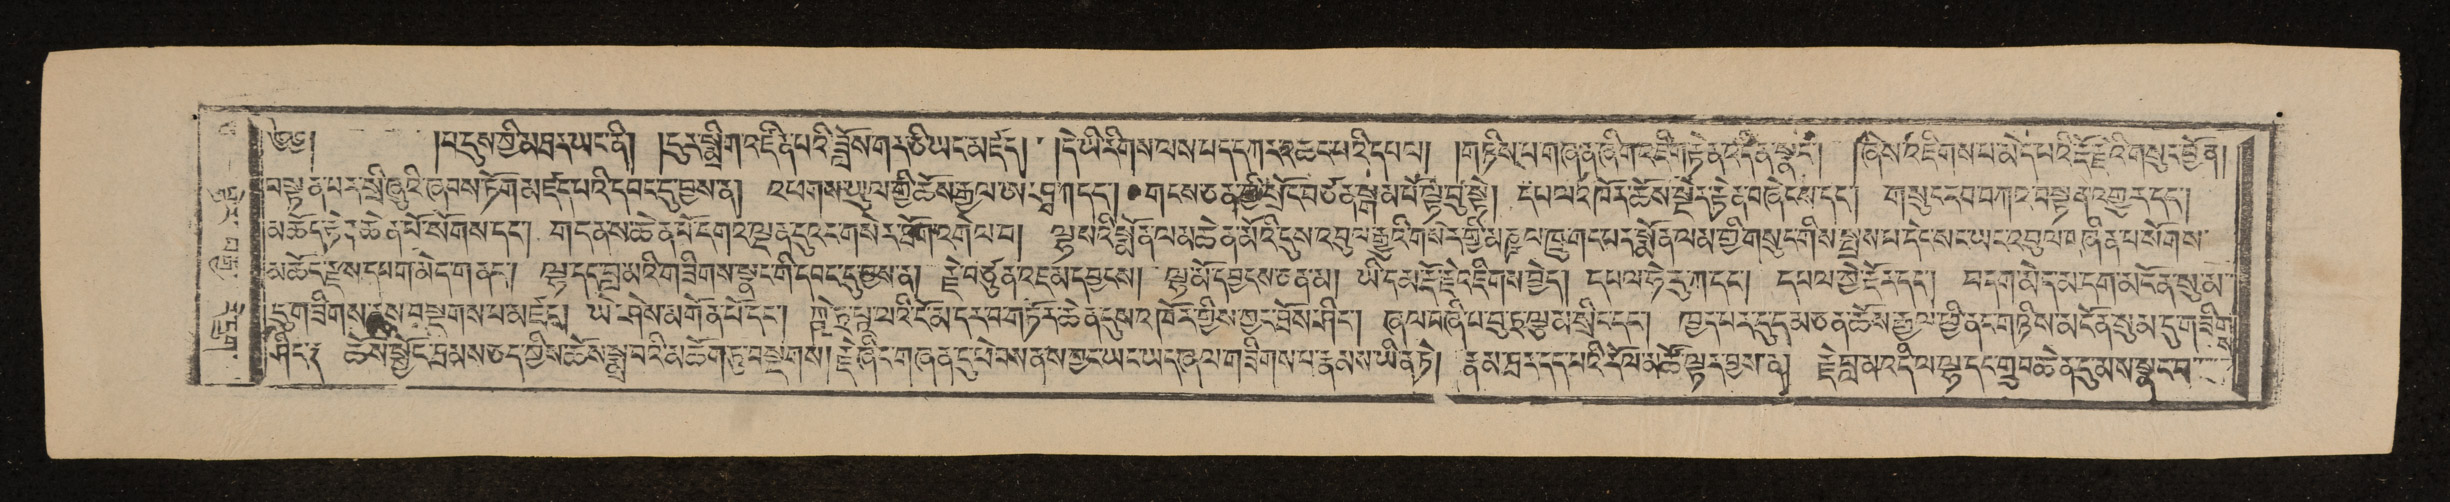༄༅། །པ་དུས་ཀྱི་མཐར་ཡང་ནི། །དུར་སྨྲིག་འཛིན་པའི་ཟློས་གར་ཅི་ཡང་མཛད། །དེ་ཡི་རིགས་ལས་པད་དཀར་འཆང་བའི་དཔལ། །གཉིས་པ་གཞན་ཞིག་འཇིག་རྟེན་འདི་ན་སྣང་། །ཞེས་འཇིགས་པ་མེད་པའི་རྡོ་རྗེའི་གསུང་བྱོན།
བསྟན་པར་སྲི་ཞུའི་ཞབས་ཏོག་མཛད་པའི་དབང་དུ་བྱས་ན། འཕགས་ཡུལ་གྱི་ཆོས་རྒྱལ་ཨ་ཤྭ་ཀ་དང་། གངས་ཅན་གྱི་སྲོང་བཙན་སྒམ་པོ་ལྟ་བུ་སྟེ། དཔལ་འཁོར་ཆོས་སྡེར་རྟེན་བཞེངས་དང་། གསུང་རབ་བཀའ་བསྟན་འགྱུར་དང་།
མཆོད་རྟེན་ཆེན་པོ་སོགས་དང་། གདན་ས་ཆེན་པོ་དགའ་ལྡན་དུའང་གསེར་ཐོག་འགྲེལ་བ། ལྷ་སའི་སྨོན་ལམ་ཆེན་མོའི་དུས་འབུལ་རྒྱུའི་གསེར་གྱི་མཎྜལ་ཁྲུ་གང་བར་སྨོན་ལམ་གྱི་གསུང་གིས་སྤྲས་པ་དེང་སང་ཡང་འབུལ་བཞིན་པ་སོགས་
མཆོད་རྫས་དཔག་མེད་གནང་། ལྷ་དང་བླ་མའི་གཟིགས་སྣང་གི་དབང་དུ་བྱས་ན། རྗེ་བཙུན་འཇམ་དབྱངས། ལྷ་མོ་དབྱངས་ཅན་མ། ཡི་དམ་རྡོ་རྗེ་འཇིགས་བྱེད། དཔལ་ཧེ་རུ་ཀ་དང་། དཔལ་ཀྱེ་རྡོར་དང་། བདག་མེད་མ་དག་མངོན་སུམ་
དུ་གཟིགས་ནས་བསྔགས་པ་མཛད། ཡེ་ཤེས་མགོན་པོ་དང་། ཀྵེ་ཏྲ་པཱ་ལའི་ངོམ་ངོར་བ་གཏོར་ཆེན་དུས་འཁོར་གྱིས་ཀྱང་ཐོས་ཤིང་། ཞལ་བཞི་པ་པུ་ཏྲ་ལྕམ་སྲིད་དང་། ཁྱད་པར་དུ་དམ་ཅན་ཆོས་རྒྱལ་ཕྱི་ནང་གཉིས་མངོན་སུམ་དུ་གཟིགས་
ཤིང༑ ཆོས་སྐྱོང་ཐམས་ཅད་ཀྱིས་ཆོས་སྨྲ་བའི་མཆོག་ཏུ་བསྔགས། རྗེ་ཞིང་གཞན་དུ་ཕེབས་ནས་ཀྱང་ཡང་ཡང་ཞལ་གཟིགས་པ་རྣམས་ཡིན་ཏེ། རྣམ་ཐར་དད་པའི་རོལ་མཚོ་ལྟ་བྱས་ན། རྗེ་བླ་མ་འདི་ལ་ལྷ་དང་གྲུབ་ཆེན་དུ་མས་སྣང་བ་